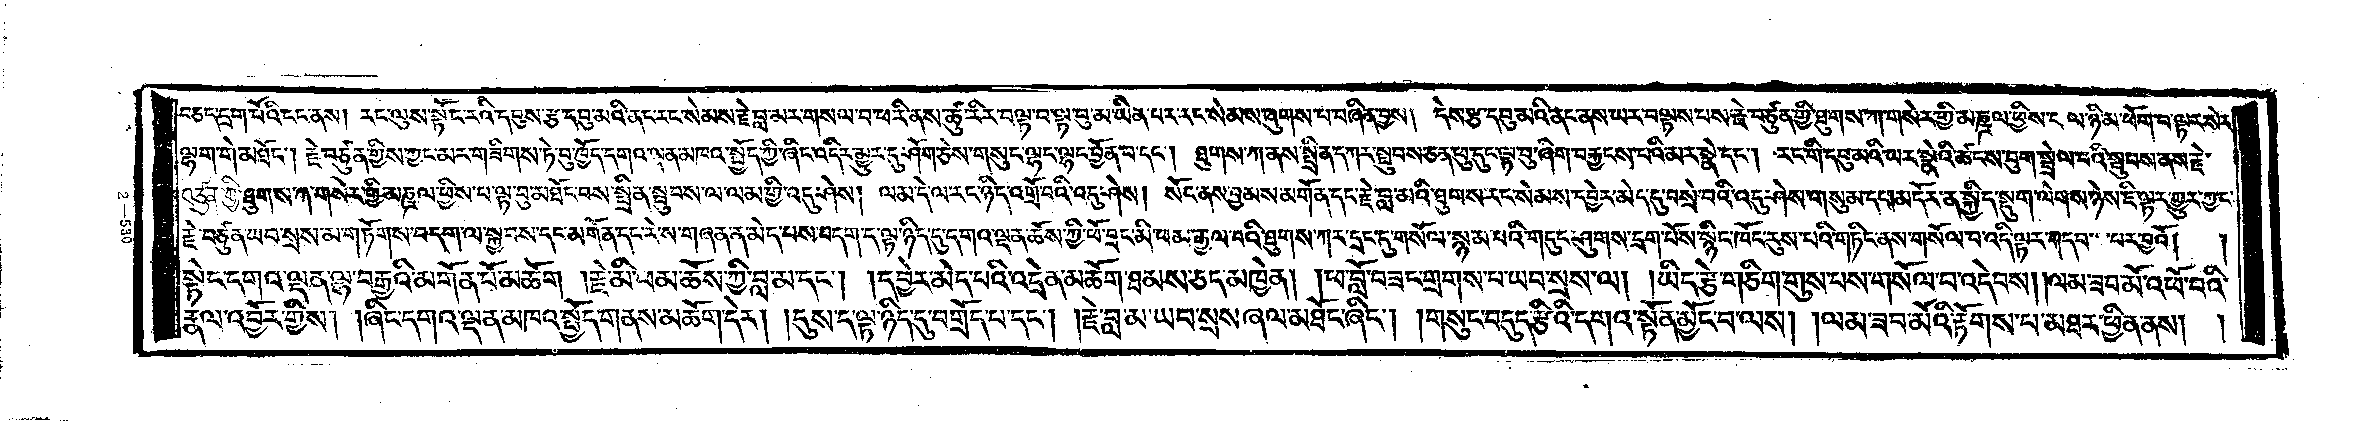བཅད་དྲག་པོའི་ངང་ནས། རང་ལུས་སྟོང་རའི་དབུས་རྩ་དབུ་མའི་ནང་རང་སེམས་རྗེ་བླ་མར་གསལ་བ་ཕ་རི་ནས་ཚུ་རིར་བལྟ་བ་ལྟ་བུ་མ་ཡིན་པར་རང་སེམས་ཞུགས་པ་བཞིན་བྱས། དེས་རྩ་དབུ་མའི་ནང་ནས་ཡར་བལྟས་པས་རྗེ་བཙུན་གྱི་ཐུགས་ཀ་གསེར་གྱི་མཎྜལ་ཕྱིས་ང་ལ་ཉི་མ་ཕོག་བ་ལྟར་སེར་
ལྷག་གེ་མཐོང་། རྗེ་བཙུན་གྱིས་ཀྱང་མར་གཟིགས་ཏེ་བུ་ཁྱོད་དགའ་ལྡན་མཁའ་སྤྱོད་ཀྱི་ཞིང་འདིར་མྱུར་དུ་ཤོག་ཅེས་གསུང་ལྷང་ལྷང་བྱོན་པ་དང་། ཐུགས་ཀ་ནས་སྤྲིན་དཀར་སྦུབས་ཅན་ཕུ་དུང་ལྟ་བུ་ཞིག་བརྐྱངས་པའི་མར་སྣེ་དང་། རང་གི་དབུ་མའི་ཡར་སྣེའི་ཚངས་བུག་སྦྲེལ་བའི་སྦུབས་ནས་རྗེ་
བཙུན་གྱི་ཐུགས་ཀ་གསེར་གྱི་མཎྜལ་ཕྱིས་པ་ལྟ་བུ་མཐོང་བས་སྤྲིན་སྦུབས་ལ་ལམ་གྱི་འདུ་ཤེས། ལམ་དེ་ལ་རང་ཉིད་འགྲོ་བའི་འདུ་ཤེས། སོང་ནས་བྱམས་མགོན་དང་རྗེ་བླ་མའི་ཐུགས་རང་སེམས་དབྱེར་མེད་དུ་བསྲེ་བའི་འདུ་ཤེས་གསུམ་དང་།མདོར་ན་སྐྱིད་སྡུག་ལེགས་ཉེས་ཇི་ལྟར་གྱུར་ཀྱང་
རྗེ་བཙུན་ཡབ་སྲས་མ་གཏོགས་བདག་ལ་སྐྱབས་དང་མགོན་དང་རེ་ས་གཞན་ན་མེད་པས་བདག་ད་ལྟ་ཉིད་དུ་དགའ་ལྡན་ཆོས་ཀྱི་ཕོ་བྲང་མི་ཕམ་རྒྱལ་བའི་ཐུགས་ཀར་དྲང་དུ་གསོལ་སྙམ་པའི་གདུང་ཤུགས་དྲག་པོས་སྙིང་ཁོང་རུས་པའི་གཏིང་ནས་གསོལ་བ་འདི་ལྟར་གདབ་པར་བྱའོ། །
སྟེང་དགའ་ལྡན་ལྷ་བརྒྱའི་མགོན་པོ་མཆོག །རྗེ་མི་ཕམ་ཆོས་ཀྱི་བླ་མ་དང་། །དབྱེར་མེད་པའི་འདྲེན་མཆོག་ཐམས་ཅད་མཁྱེན། །ཕ་བློ་བཟང་གྲགས་པ་ཡབ་སྲས་ལ། །ཡིད་རྩེ་གཅིག་གུས་པས་གསོལ་བ་འདེབས། །ལམ་ཟབ་མོ་འཕོ་བའི་
རྣལ་འབྱོར་གྱིས། །ཞིང་དགའ་ལྡན་མཁའ་སྤྱོད་གནས་མཆོག་དེར། །དུས་ད་ལྟ་ཉིད་དུ་བགྲོད་པ་དང་། །རྗེ་བླ་མ་ཡབ་སྲས་ཞལ་མཐོང་ཞིང་། །གསུང་བདུད་རྩིའི་དགའ་སྟོན་མྱོང་བ་ལས། །ལམ་ཟབ་མོའི་རྟོགས་པ་མཐར་ཕྱིན་ནས། །